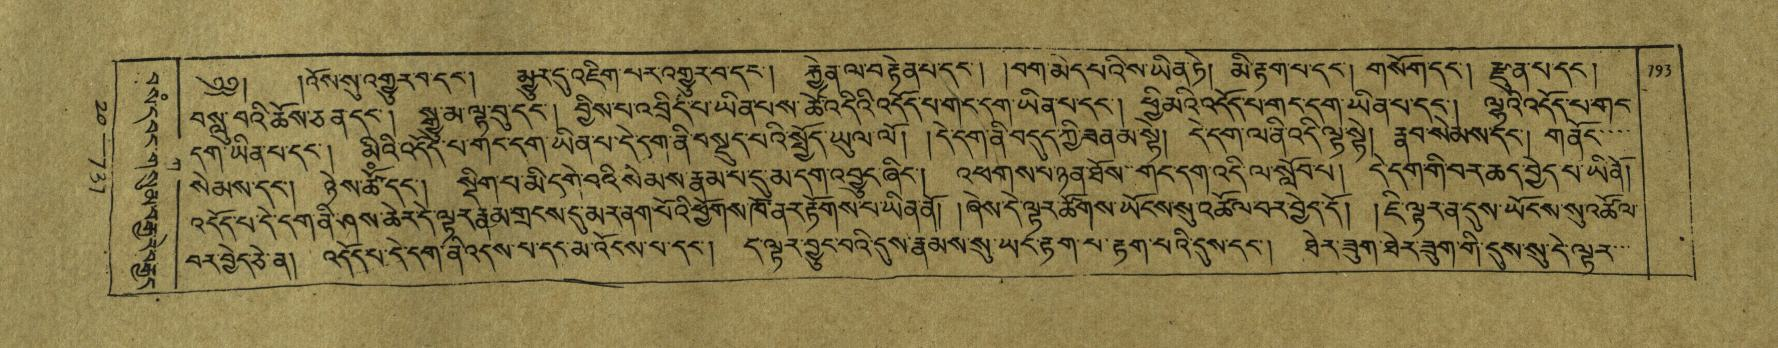༄༅། །འོས་སུ་འགྱུར་བ་དང་། མྱུར་དུ་འཇིག་པར་འགྱུར་བ་དང་། རྐྱེན་ལ་བརྟེན་པ་དང་། །བག་མེད་པའི་ས་ཡིན་ཏེ། མི་རྟག་པ་དང་། གསོག་དང་། རྫུན་པ་དང་།
བསླུ་བའི་ཆོས་ཅན་དང་། སྒྱུ་མ་ལྟ་བུ་དང་། བྱིས་པ་འབྲིད་པ་ཡིན་པས་ཚེ་འདིའི་འདོད་པ་གང་དག་ཡིན་པ་དང་། ཕྱི་མའི་འདོད་པ་གང་དག་ཡིན་པ་དང་། ལྷའི་འདོད་པ་གང་
དག་ཡིན་པ་དང་། མིའི་འདོད་པ་གང་དག་ཡིན་པ་དེ་དག་ནི་བསྡུད་པའི་སྤྱོད་ཡུལ་ལོ། །དེ་དག་ནི་བདུད་ཀྱི་ཟན་མ་སྟེ། དེ་དག་ལ་ནི་འདི་ལྟ་སྟེ། རྣབ་སེམས་དང་། གནོང་
སེམས་དང་། ཉེས་ཚོཾ་དང་། སྡིག་པ་མི་དགེ་བའི་སེམས་རྣམ་པ་དུ་མ་དག་འབྱུང་ཞིང་། འཕགས་པ་ཉན་ཐོས་གང་དག་འདི་ལ་སློབ་པ། དེ་དག་གི་བར་ཆད་བྱེད་པ་ཡིན་ནོ།
འདོད་པ་དེ་དག་ནི་ཤས་ཆེར་དེ་ལྟར་རྣམ་གྲངས་དུ་མར་ནག་པོའི་ཕྱོགས་ཁོ་ནར་རྟོགས་པ་ཡིན་ནོ། །ཞེས་དེ་ལྟར་ཚོགས་ཡོངས་སུ་འཚོལ་བར་བྱེད་དོ། །ཇི་ལྟར་ན་དུས་ཡོངས་སུ་འཚོལ་
བར་བྱེད་ཅེ་ན། འདོད་པ་དེ་དག་ནི་འདས་པ་དང་མ་འོངས་པ་དང་། དེ་ལྟར་བྱུང་བའི་དུས་རྣམས་སུ་ཡང་རྟག་པ་རྟག་པའི་དུས་དང་། ཐེར་ཟུག་ཐེར་ཟུག་གི་དུས་སུ་དེ་ལྟར་